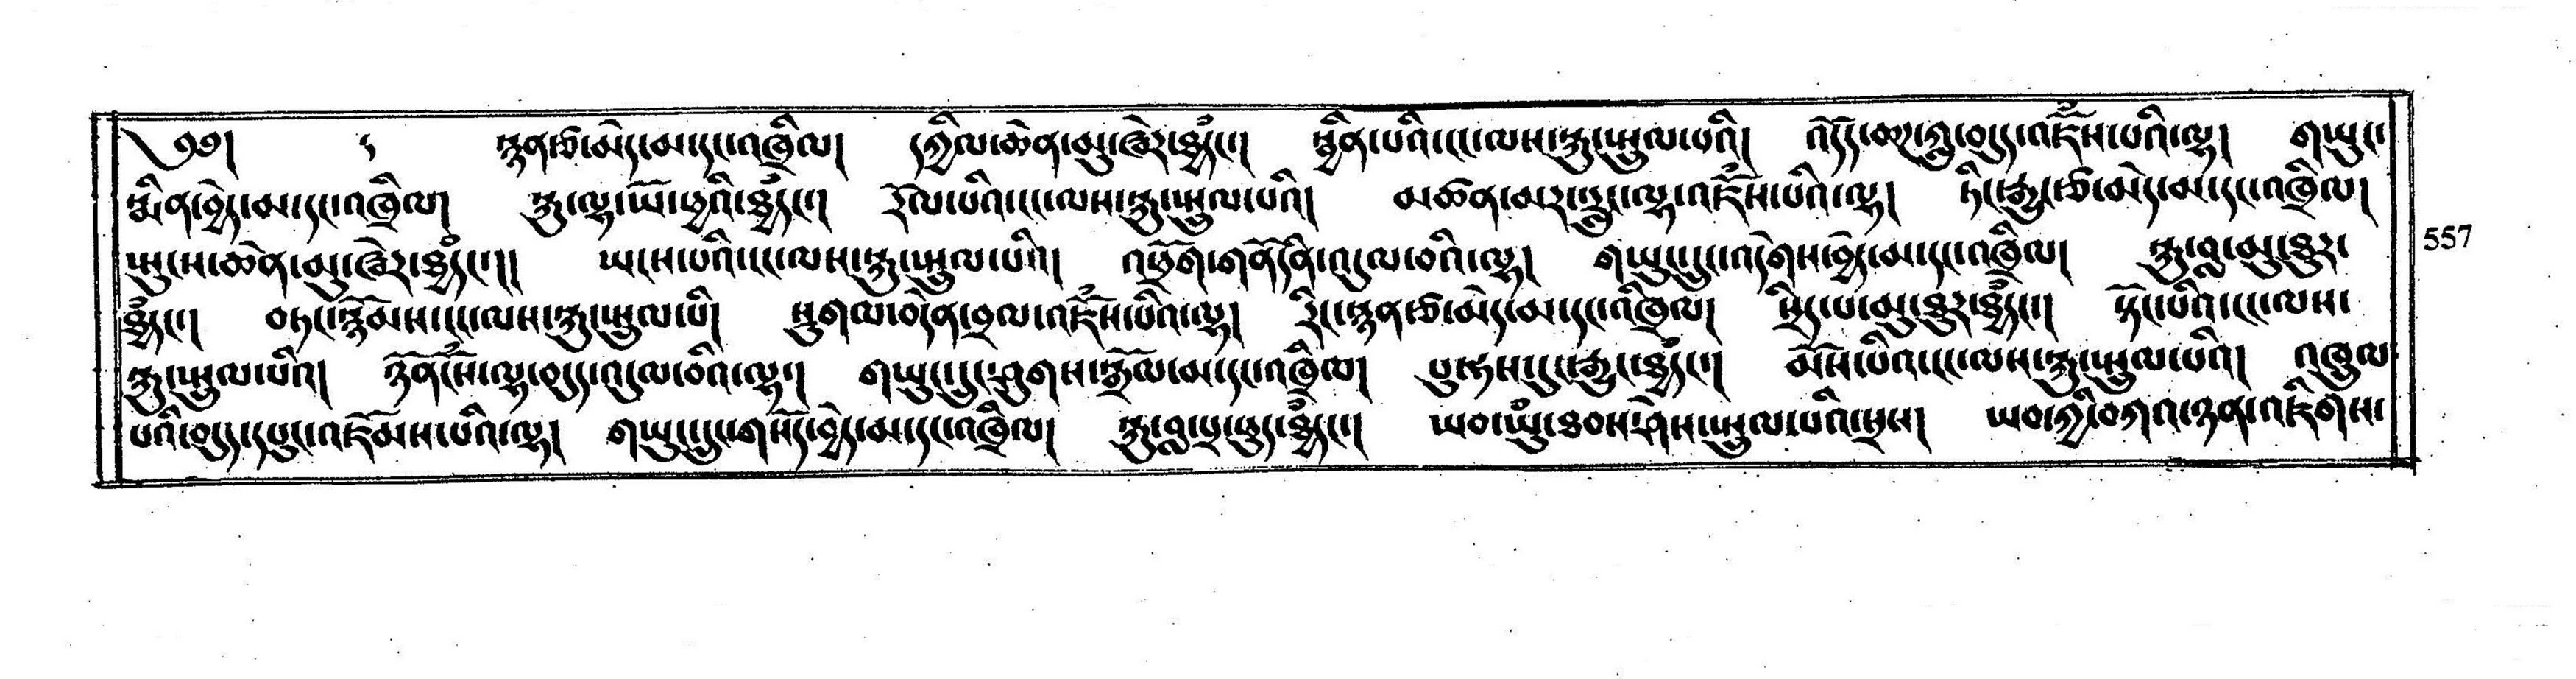སྙན་ཙ་མེད་མ་དང་འཁྲིལ། དཀྱིལ་ཆེན་མུ་ཝེར་ཐུགས་དམ་བསྐང་། སྦྱིན་པའི་ངང་ལས་སྐུ་སྤྲུལ་པའི། འདོད་ཆགས་ཀླུ་བདུད་འཇོམས་པའི་ལྷ། གཡུང་
དྲུང་སྨིན་བྱེད་མ་དང་འཁྲིལ། སྐུ་ལྷ་ཡོ་ཕྱའི་ཐུགས་དམ་བསྐང་། རོལ་པའི་ངང་ལས་སྐུ་སྤྲུལ་པའི། མཚན་མར་རླུང་ལྷ་འཇོམས་པའི་ལྷ། ཏིང་རྒྱུང་ཙ་མེད་མ་དང་འཁྲིལ། 
སྤུངས་ཆེན་མུ་ཝེར་ཐུགས་དམ་བསྐང་།། ཡངས་པའི་ངང་ལས་སྐུ་སྤྲུལ་པའི། འཕྲག་དོག་གནོད་སྦྱིན་འདུལ་བའི་ལྷ། གཡུང་དྲུང་འདེགས་བྱེད་མ་དང་འཁྲིལ། སྐུ་བླ་མུ་ཐུར་
ཐུགས་དམ་བསྐང་། བཏང་སྙོམས་ངང་ལས་སྐུ་སྤྲུལ་པའི། སྡུག་བསྔལ་བདེན་བྲལ་འཇོམས་པའི་ལྷ། རིང་སྙན་ཙ་མེད་མ་དང་འཁྲིལ། སྲིད་པ་མུ་ཐུར་ཐུགས་དམ་བསྐང་། སྟོང་པའི་ངང་ལས་
སྐུ་སྤྲུལ་པའི། ཉོན་མོངས་ལྷ་བདུད་འདུལ་བའི་ལྷ། གཡུང་དྲུང་ཤུགས་སྒྲོལ་མ་དང་འཁྲིལ། པུ་ཧས་དུང་རྒྱུང་ཐུགས་དམ་བསྐང་། མོས་པའི་ངང་ལས་སྐུ་སྤྲུལ་པའི། འཁྲུལ་
པའི་བདུད་དཔུང་འཇོམས་པའི་ལྷ། གཡུང་དྲུང་གསོད་བྱེད་མ་དང་འཁྲིལ། སྐུ་བླ་པྲ་ཕུད་ཐུགས་དམ་བསྐང་། ཡབ་ཡུམ་ཐབས་ཤེས་སྤྲུལ་པའི་སྲས། ཡབ་ཀྱི་བཀའ་ཉན་འཇིགས་